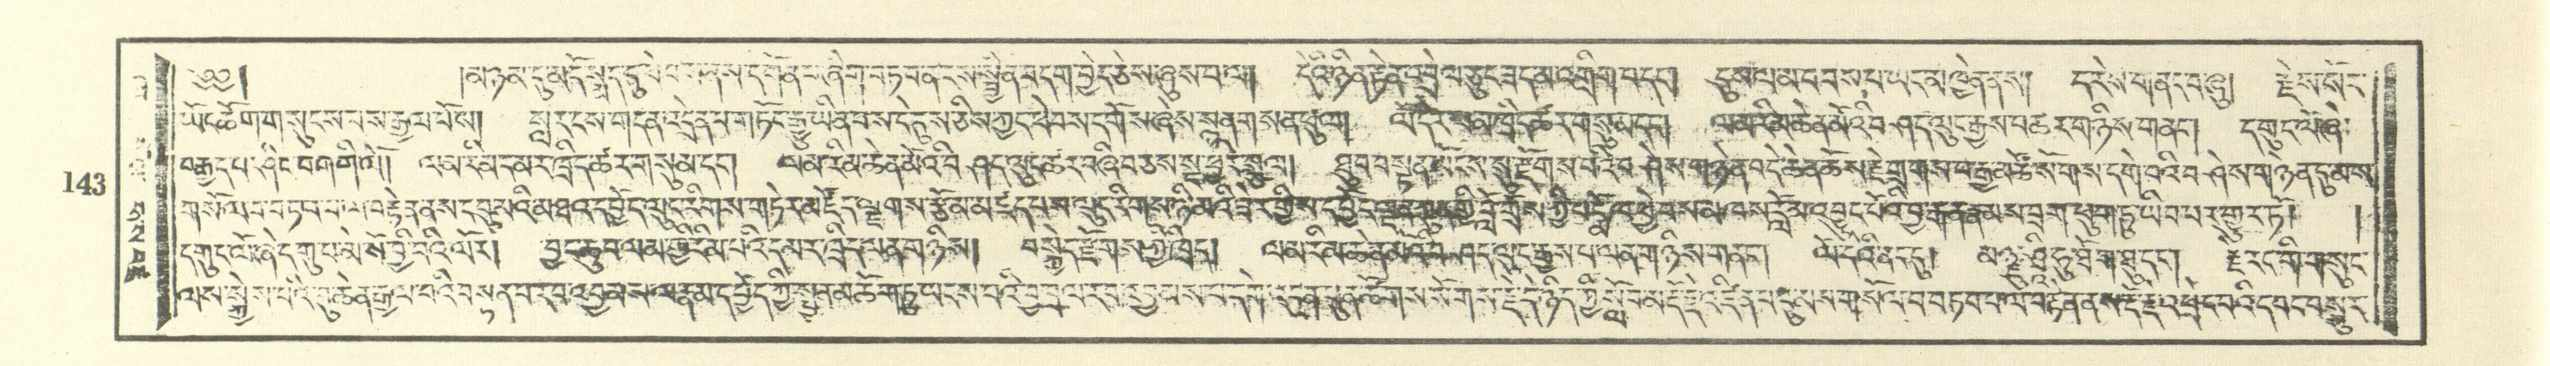༄༅། །མཉམ་དུ་མདོ་སྨད་དུ་ཕེབས་ནས་དགོན་པ་ཞིག་བཏབ་ན་ངས་སྦྱིན་བདག་བྱེད་ཅེས་ཞུས་པ་ལ། དེའི་ཉིན་རྟེན་འབྲེལ་ཅུང་ཟད་མ་འགྲིག་པ་དང་། དུས་ལ་མ་བབས་པ་ཡང་མཁྱེན་ནས། ད་རེས་གནང་བ་ཞུ། རྗེས་སོར་
ཡོང་ཆོག་གསུངས་པས་རྒྱལ་པོས། སླར་ངས་གདན་འདྲེན་པ་གཏོང་རྒྱུ་ཡིན་པས་དེ་དུས་ཅིས་ཀྱང་ཕེབས་དགོས་ཞེས་སྙན་གསན་ཕུལ། ལོ་དེར་ལམ་ཁྲིད་ཚར་གསུམ་དང་། ལམ་རིམ་ཆེན་མོའི་བཤད་ལུང་རྒྱས་པ་ཆར་གཉིས་གནང་། དགུང་ལོ་ཞེ་
བརྒྱད་པ་ཤིང་ཕག་གི་ལོ། ལམ་རིམ་དམར་ཁྲིད་ཚར་གསུམ་དང་། ལམ་རིམ་ཆེན་མོའི་བཤད་ལུང་ཚར་བཞི་བཅས་སྔ་ཕྱིར་སྩལ། ཐུབ་བསྟན་ཡོངས་སུ་རྫོགས་པའི་བཤེས་གཉེན་བདེ་ཆེན་ཆོས་རྗེ་གྲགས་པ་རྒྱ་མཚོ་སོགས་དགེ་བའི་བཤེས་གཉེན་དུ་མས་
གསོལ་བ་བཏབ་པ་ལ་བརྟེན་ནས་དབུ་མའི་མཐའ་དཔྱོད་ལུང་རིགས་གཏེར་མཛོད་ལྗགས་རྩོམ་མཛད་པས་ལུང་རིགས་ཉི་མའི་ཟེར་གྱིས་དཔྱོད་ལྡན་ཀུན་གྱི་བློ་གྲོས་ཀྱི་པདམོ་ཁ་ཕྱེ་བས་མཁས་རློམ་འབྱུང་པོའི་བྱ་རྒན་རྣམས་བྲག་ཕུག་ཏུ་ཡིབ་པར་གྱུར་ཏོ། །
དགུང་ལོ་ཞེ་དགུ་པ་མེ་ཕོ་བྱི་བའི་ལོར། བྱང་ཆུབ་ལམ་གྱི་རིམ་པའི་དམར་ཁྲིད་ལན་གཉིས། བསྐྱེད་རྫོགས་ཀྱི་ཁྲིད། ལམ་རིམ་ཆེན་མོའི་བཤད་ལུང་རྒྱས་པ་ལན་གཉིས་གནང་། ལོ་དེའི་ནང་དུ། མཉྫུ་ཤྲཱི་ཧུ་ཐོག་ཐུ་དང་། རྗེ་རང་གི་གསུང་
ལས་སྐྱེས་པའི་བུ་ཆེན་རྒྱལ་བའི་བསྟན་པ་རབ་འབྱམས་ལ་རྣམ་དཔྱོད་ཀྱི་སྤྱན་མཆོག་ཏུ་ཡངས་པའི་བྱ་བྲལ་རབ་འབྱམས་པ་དགེ་འདུན་ཕུན་ཚོགས་སོགས་རྗེ་དེ་ཉིད་ཀྱི་སློབ་མ་རྡོ་རྗེ་འཛིན་པ་དུ་མས་གསོལ་བ་བཏབ་པ་ལ་བརྟེན་ནས་རྡོ་རྗེ་འཕྲེང་བའི་དབང་བསྐུར་